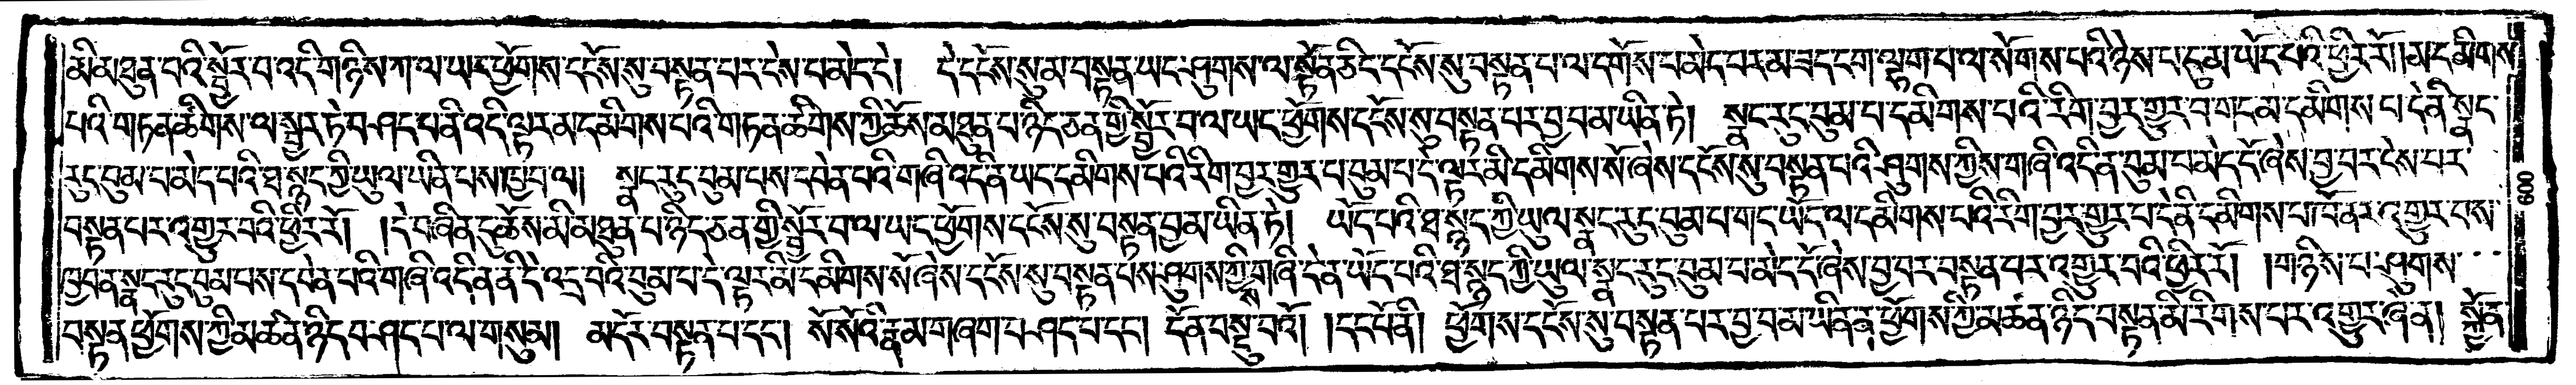མི་མཐུན་པའི་སྦྱོར་བ་འདི་གཉིས་ཀ་ལ་ཡང་ཕྱོགས་དངོས་སུ་བསྟན་པར་ངེས་པ་མེད་དེ། དེ་དངོས་སུ་མ་བསྟན་ཡང་ཤུགས་ལ་སྟོན་ཅིང་དངོས་སུ་བསྟན་པ་ལ་དགོས་པ་མེད་པར་མ་ཟད་དག་ལྷག་པ་ལ་སོགས་པའི་ཉེས་པ་དུ་མ་ཡོད་པའི་ཕྱིར་རོ། །མ་དམིགས་
པའི་གཏན་ཚིགས་ལ་སྦྱར་ཏེ་བཤད་པ་ནི་འདི་ལྟར་མ་དམིགས་པའི་གཏན་ཚིགས་ཀྱི་ཆོས་མཐུན་པ་ཉིད་ཅན་གྱི་སྦྱོར་བ་ལ་ཡང་ཕྱོགས་དངོས་སུ་བསྟན་པར་བྱ་བ་མ་ཡིན་ཏེ། སྣང་རུང་བུམ་པ་དམིགས་པའི་རིག་བྱར་གྱུར་བ་གང་མ་དམིགས་པ་དེ་ནི་སྣང་
རུང་བུམ་པ་མེད་པའི་ཐ་སྙད་ཀྱི་ཡུལ་ཡིན་པས་ཁྱབ་ལ། སྣང་རུང་བུམ་པས་དབེན་པའི་གཞི་འདི་ན་ཡང་དམིགས་པའི་རིག་བྱར་གྱུར་པ་བུམ་པ་དེ་ལྟར་མི་དམིགས་སོ་ཞེས་དངོས་སུ་བསྟན་པའི་ཤུགས་ཀྱིས་གཞི་འདི་ན་བུམ་པ་མེད་དོ་ཞེས་བྱ་བར་ངེས་པར་
བསྟན་པར་འགྱུར་བའི་ཕྱིར་རོ། །དེ་བཞིན་དུ་ཆོས་མི་མཐུན་པ་ཉིད་ཅན་གྱི་སྦྱོར་བ་ལ་ཡང་ཕྱོགས་དངོས་སུ་བསྟན་བྱ་མ་ཡིན་ཏེ། ཡོད་པའི་ཐ་སྙད་ཀྱི་ཡུལ་སྣང་རུང་བུམ་པ་གང་ཡོད་ལ་དམིགས་པའི་རིག་བྱར་གྱུར་པ་དེ་ནི་དམིགས་པ་ཁོ་ནར་འགྱུར་བས་
ཁྱབ་ན་སྣང་རུང་བུམ་པས་དབེན་པའི་གཞི་འདི་ན་ནི་དེ་འདྲ་བའི་བུམ་པ་དེ་ལྟར་མི་དམིགས་སོ་ཞེས་དངོས་སུ་བསྟན་པས་ཤུགས་ཀྱིས་གཞི་དེ་ན་ཡོད་པའི་ཐ་སྙད་ཀྱི་ཡུལ་སྣང་རུང་བུམ་པ་མེད་དོ་ཞེས་བྱ་བར་བསྟན་པར་འགྱུར་བའི་ཕྱིར་རོ། །གཉིས་པ་ཤུགས་
བསྟན་ཕྱོགས་ཀྱི་མཚན་ཉིད་བཤང་པ་ལ་གསུམ། མདོར་བསྟན་པ་དང་། སོ་སོའི་རྣམ་གཞག་བཤད་པ་དང་། དོན་བསྡུ་བའོ། །དང་པོ་ནི། ཕྱོགས་དངོས་སུ་བསྟན་པར་བྱ་བ་མ་ཡིན་ན་ཕྱོགས་ཀྱི་མཚན་ཉིད་བསྟན་མི་རིགས་པར་འགྱུར་ཞེ་ན། སྐྱོན་